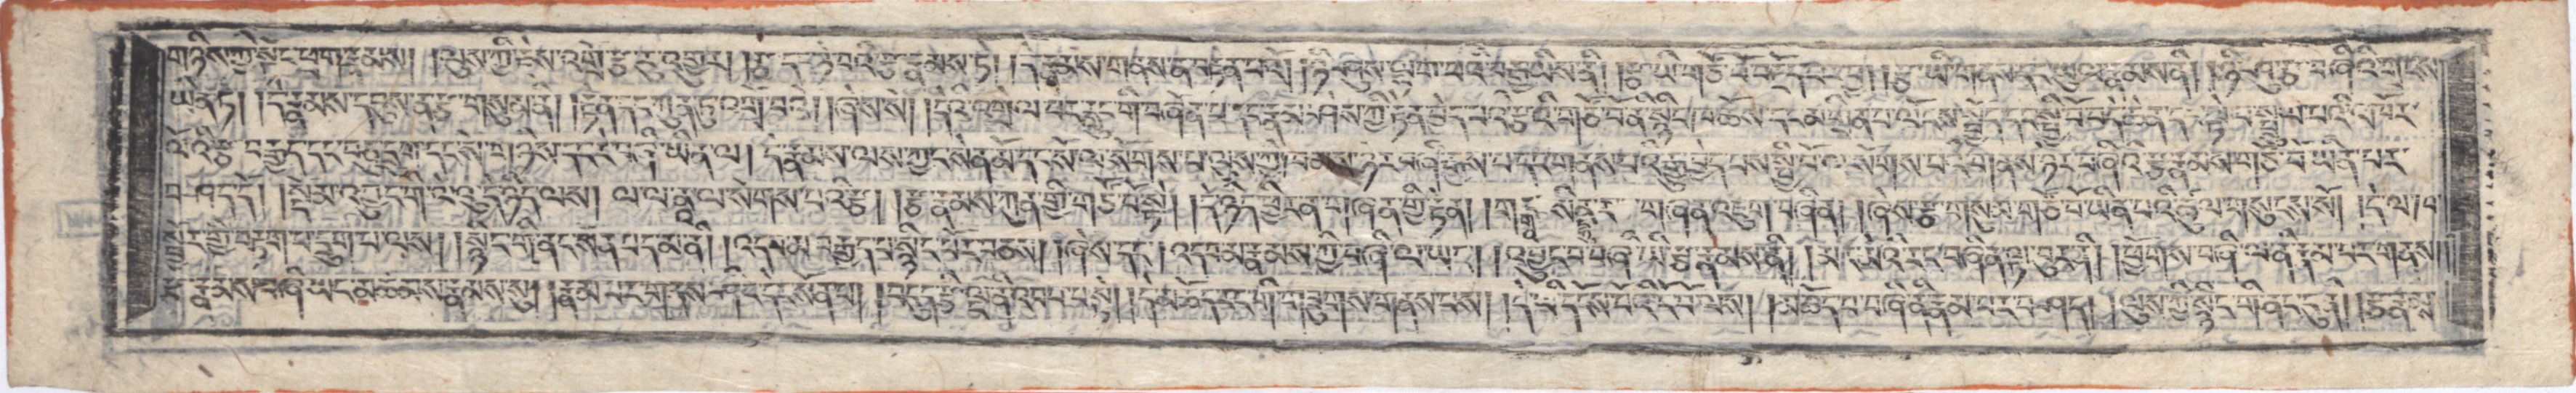གཉིས་ཀྱི་སྟོང་ཕྲག་རྣམས། །ལུས་ཀྱི་རྗེས་འགྲོ་རྩ་རུ་འགྱུར། །རྩ་དང་ཉེ་བའི་རྩ་རྣམས་ཏེ། །དེ་རྣམས་གནས་ན་བརྟེན་པའོ། །ཉི་ཤུས་ལྷག་པའི་བརྒྱ་ཡིས་ནི། །རྩ་ཡི་གཙོ་བོ་བརྗོད་པར་བྱ། །རྩ་ཡི་གནས་དང་ཡུལ་རྣམས་ནི། །ཉི་ཤུ་རྩ་བཞིའི་གྲངས་
ཡིན་ཏེ། །དེ་རྣམས་དབུས་ན་རྩ་གསུམ་ནི། །རྟེན་དང་ཀུན་ཏུ་འགྲོ་བའོ། །ཞེས་སོ། །དེའི་འགྲེལ་པར་རླུང་གི་བཞོན་པ་དང་རྣམ་ཤེས་ཀྱི་རྟེན་བྱེད་པའི་རྩའི་གཙོ་བོ་ནི་སྙིང་ཁ་ཆོས་དང་མགྲིན་པ་ལོངས་སྤྱོད་དང་སྤྱི་བོ་བདེ་ཆེན་དང་ལྟེ་བ་སྤྲུལ་པའི་འཁོར་
ལོའི་རྩ་བརྒྱད་དང་བཅུ་དྲུག་དང་སོ་གཉིས་དང་རེ་བཞི་ཡིན་ལ། དེ་རྣམས་ལས་ཀྱང་སེན་མོ་དང་སོ་ལ་སོགས་པ་ལུས་ཀྱི་ཁམས་ཉེར་བཞི་རྒྱས་པ་དང་གནས་པའི་རྒྱུ་བྱེད་པས་སྤྱི་བོ་ལ་སོགས་པའི་གནས་ཉེར་བཞིའི་རྩ་རྣམས་གཙོ་བོ་ཡིན་པར་
བཤད་དོ། །སྡོམ་འབྱུང་གི་ལེའུ་དེ་ཉིད་ལས། ལ་ལ་ནཱ་ལ་སོགས་པའི་རྩ། །རྩ་རྣམས་ཀུན་གྱི་གཙོ་བོ་སྟེ། །དེ་ཉིད་ཕྱིར་ན་གཞན་གྱི་རྟེན། །གངྒཱ་སིནྡྷུ་ར་གཞན་འཇུག་བཞིན། །ཞེས་རྩ་གསུམ་གཙོ་བོ་ཡིན་པའི་ཚུལ་གསུངས་སོ། །དེ་ལ་ཁ་
སྦྱོར་གྱི་བརྟག་པ་དྲུག་པ་ལས། །སྙིང་གི་ནང་སོན་པད་མ་ནི། །འདབ་མ་བརྒྱད་པ་སྙིང་པོར་བཅས། །ཞེས་དང་། འདབ་མ་རྣམས་ཀྱི་བཞི་ལ་ཡང་། །འབྱུང་བ་བཞི་ཡི་རྩ་རྣམས་ནི། །མར་མེའི་རང་བཞིན་ལྟ་བུར་ནི། །ཕྱོགས་བཞི་ལ་ནི་རྣམ་པར་གནས། །
རྩ་རྣམས་བཞི་ཡང་མཚམས་རྣམས་སུ། །རྣམ་པར་གནས་ཤིང་དེར་སོན་པ། །བདུད་རྩི་ལྔ་ནི་འབབ་པ་སྟེ། །དེ་མཆོད་རང་གི་གཟུགས་གནས་པས། །དེ་ཡི་དངོས་པོའི་ངོ་བོ་ལས། །མཆོད་པ་བཞི་ནི་རྣམ་པར་བཤད། །ལུས་ཀྱི་སྙིང་གི་ནང་དུ་ནི། །རྩ་རྣམས་